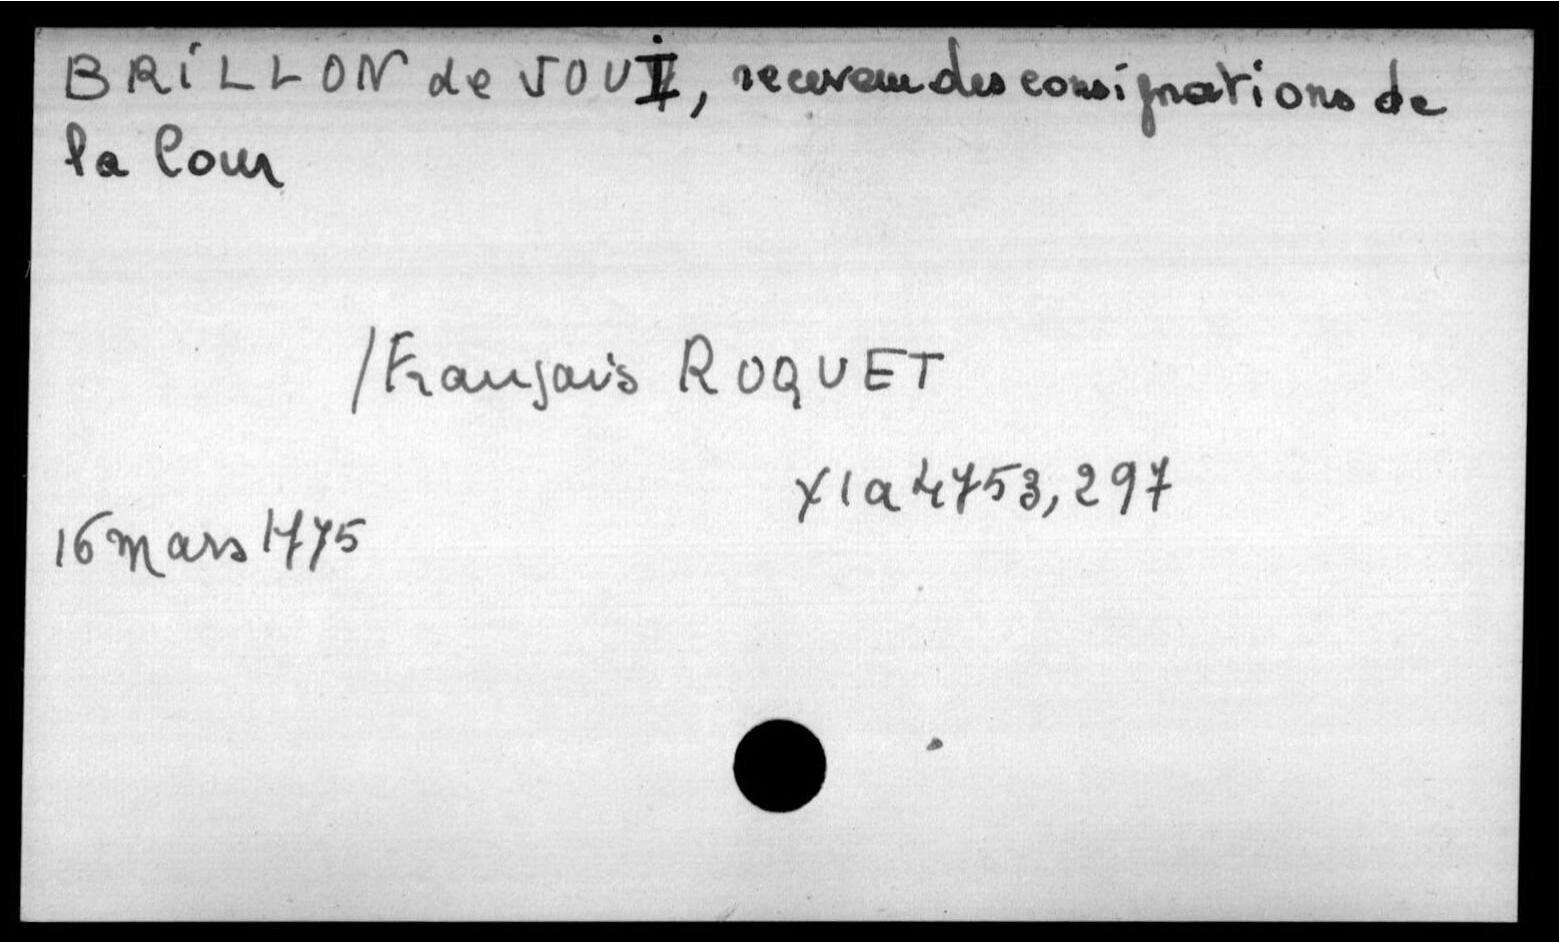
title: BRILLON de JOUI, receveur des consignations de la Cour
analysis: Contre François ROQUET
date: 16 mars 1775
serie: X1a
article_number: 4753
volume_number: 297
